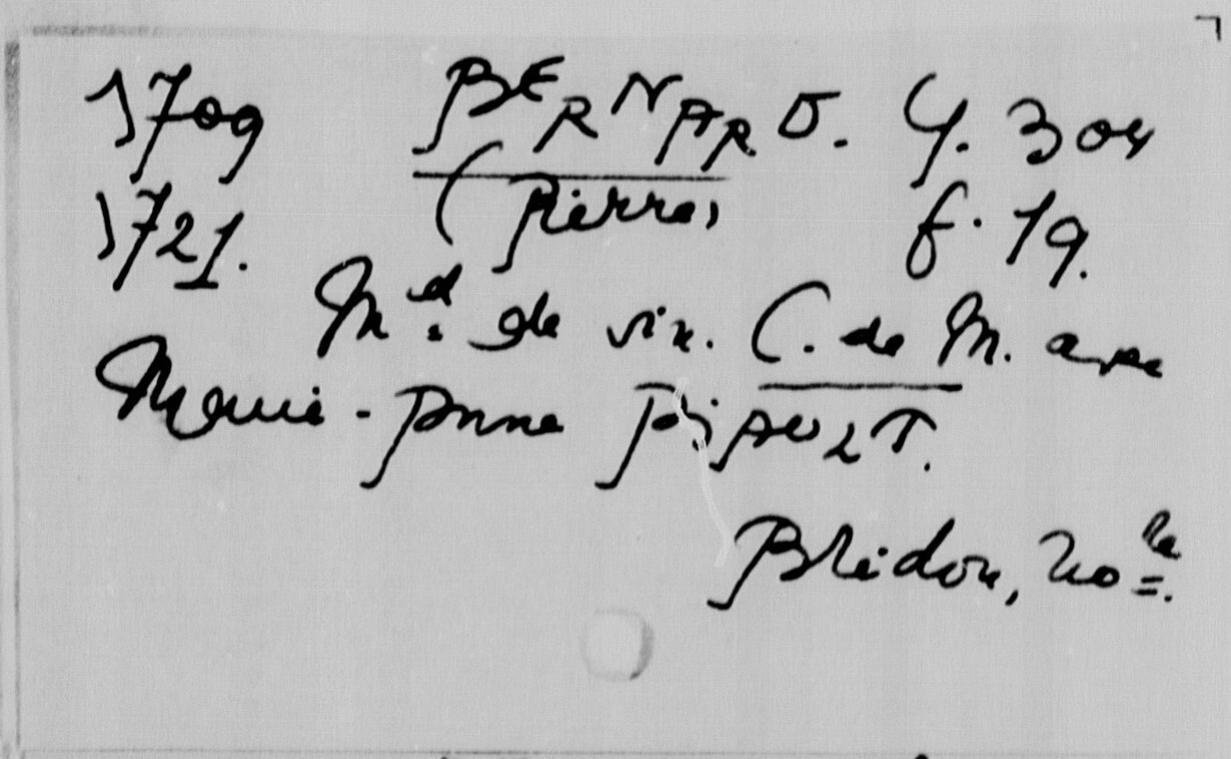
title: BERNARD (Pierre)
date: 1709-1721
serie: Y
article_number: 304
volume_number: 19
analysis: Marchand de vin. Contrat de mariage avec Marie-Anne Jobiault. Bridon, notaire.
